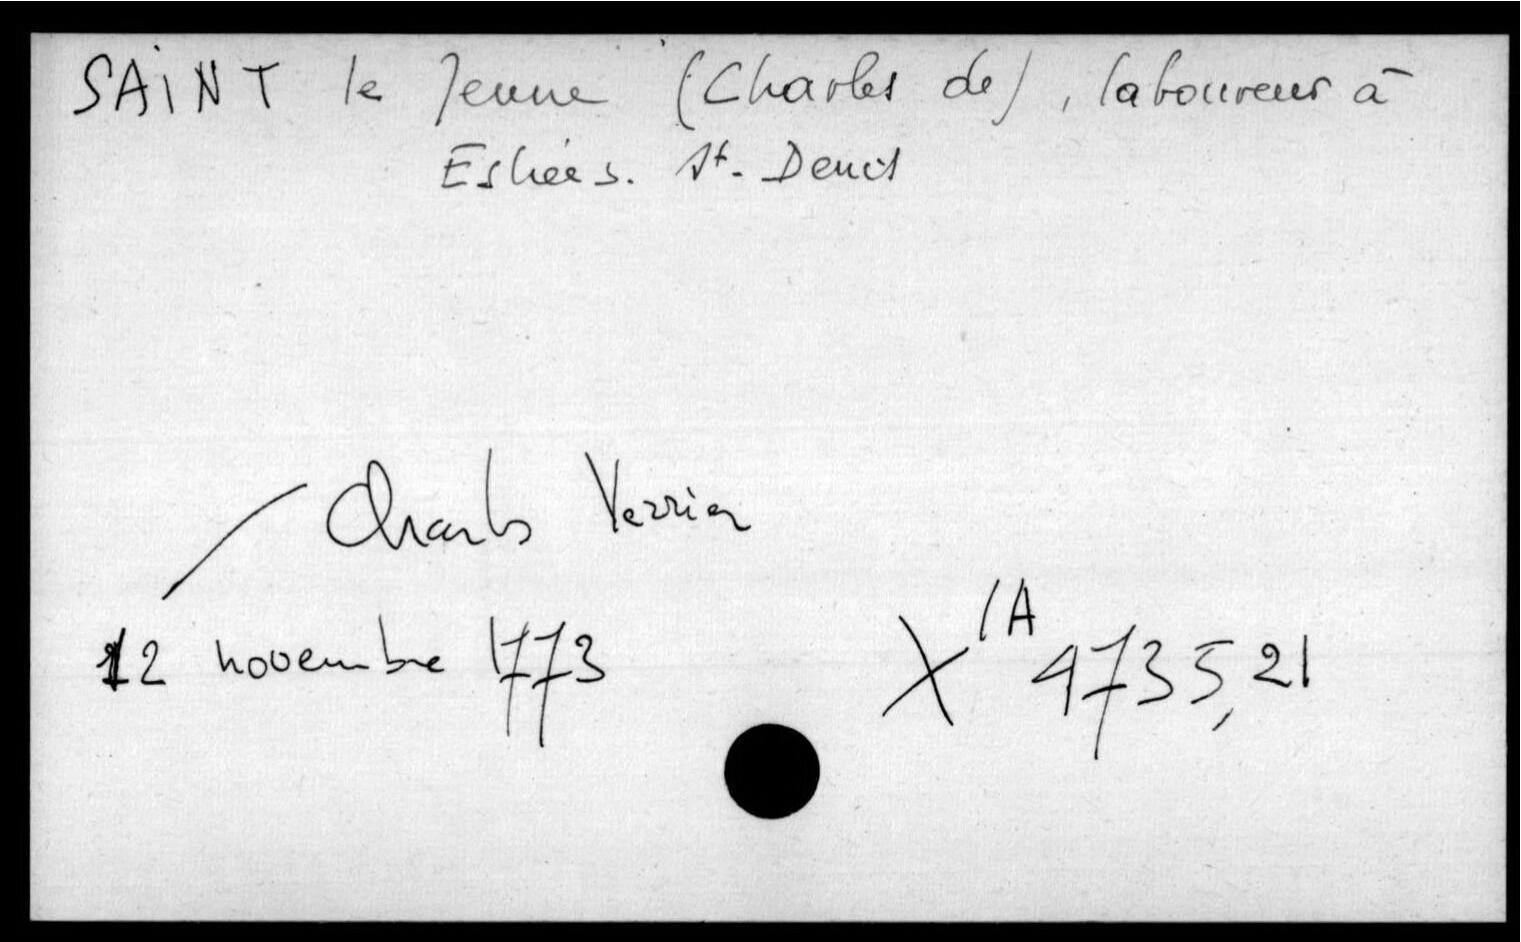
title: SAINT le Jeune (Charles de), laboureur à Estrées, Saint-Denis
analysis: Contre Charles Verrier
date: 12 novembre 1773
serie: X1A
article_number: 4735
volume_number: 21
